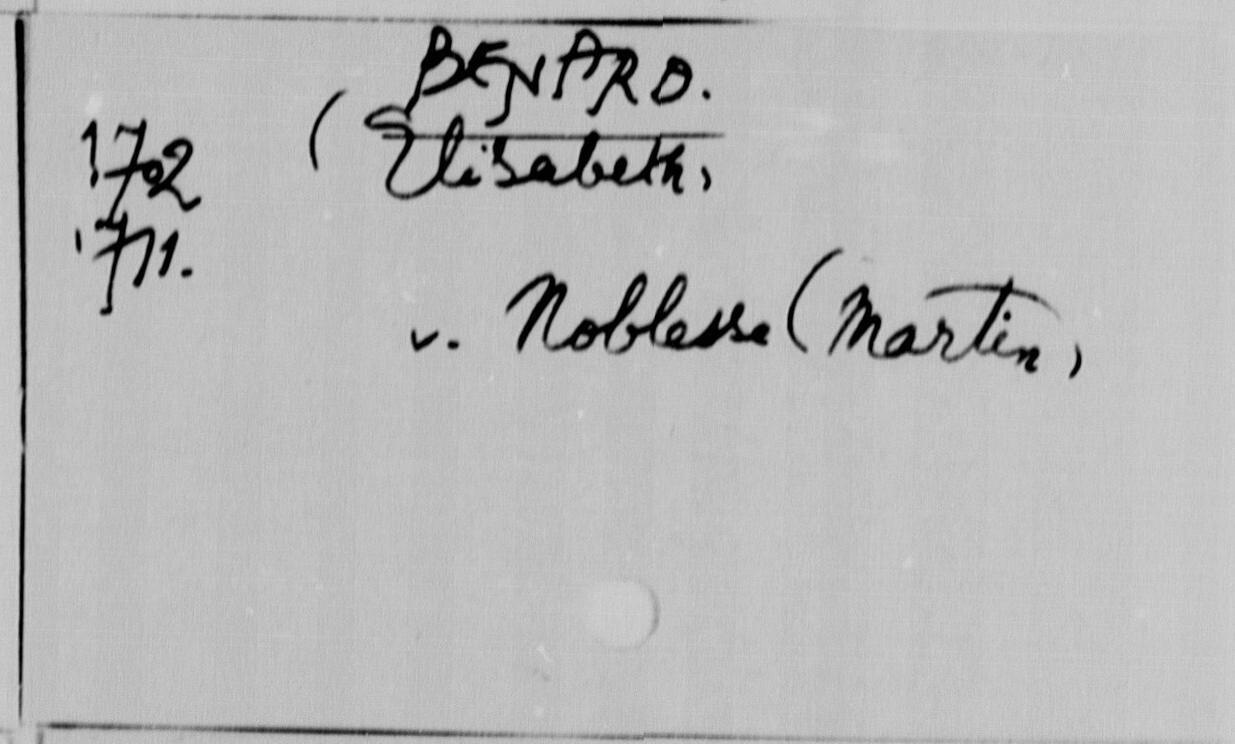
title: BENARD (Élisabeth)
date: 1702-1711
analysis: Voir Noblesse (Martin)
